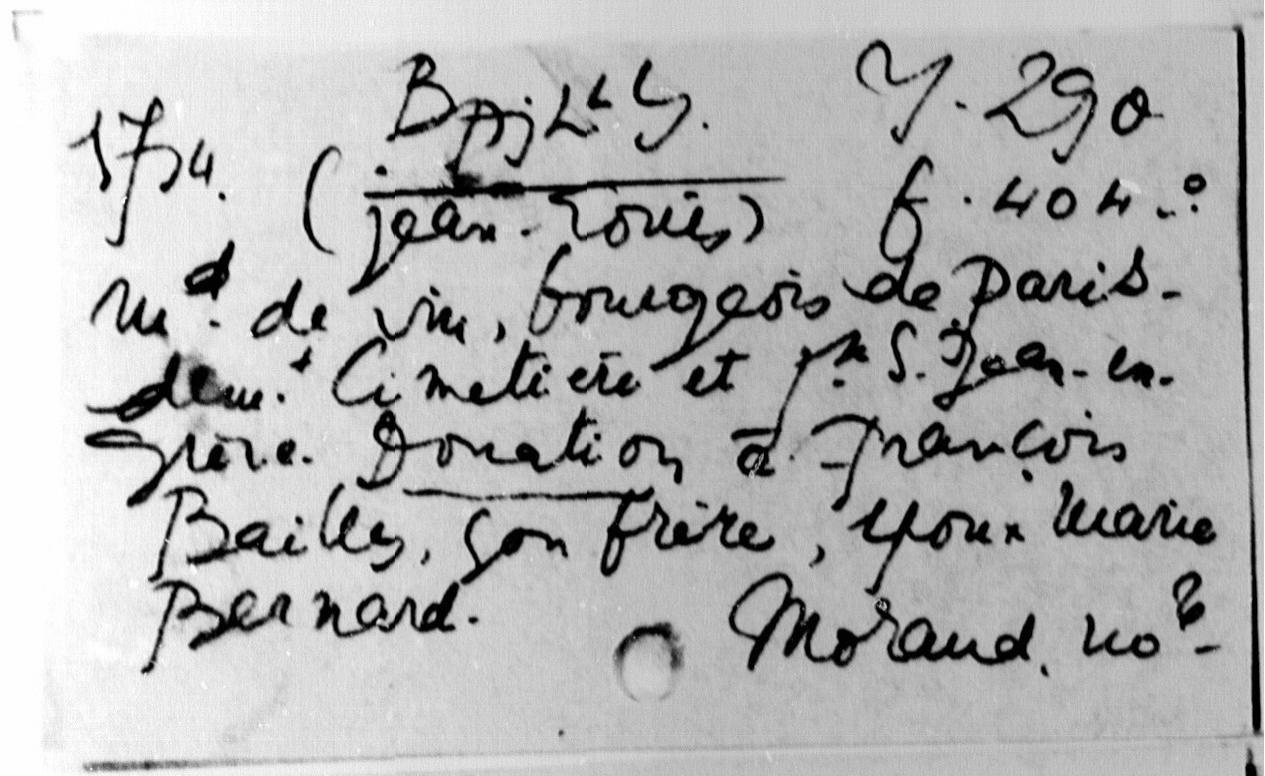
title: BAILLY (Jean-Louis)
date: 1704
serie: Y
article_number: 290
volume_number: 404v
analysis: Marchand de vin, bourgeois de Paris. Demeurant cimetière et paroisse Saint-Jean-en-Grève. Donation à François Bailly, son frère, époux Marie Bernard. Moraud, notaire.
